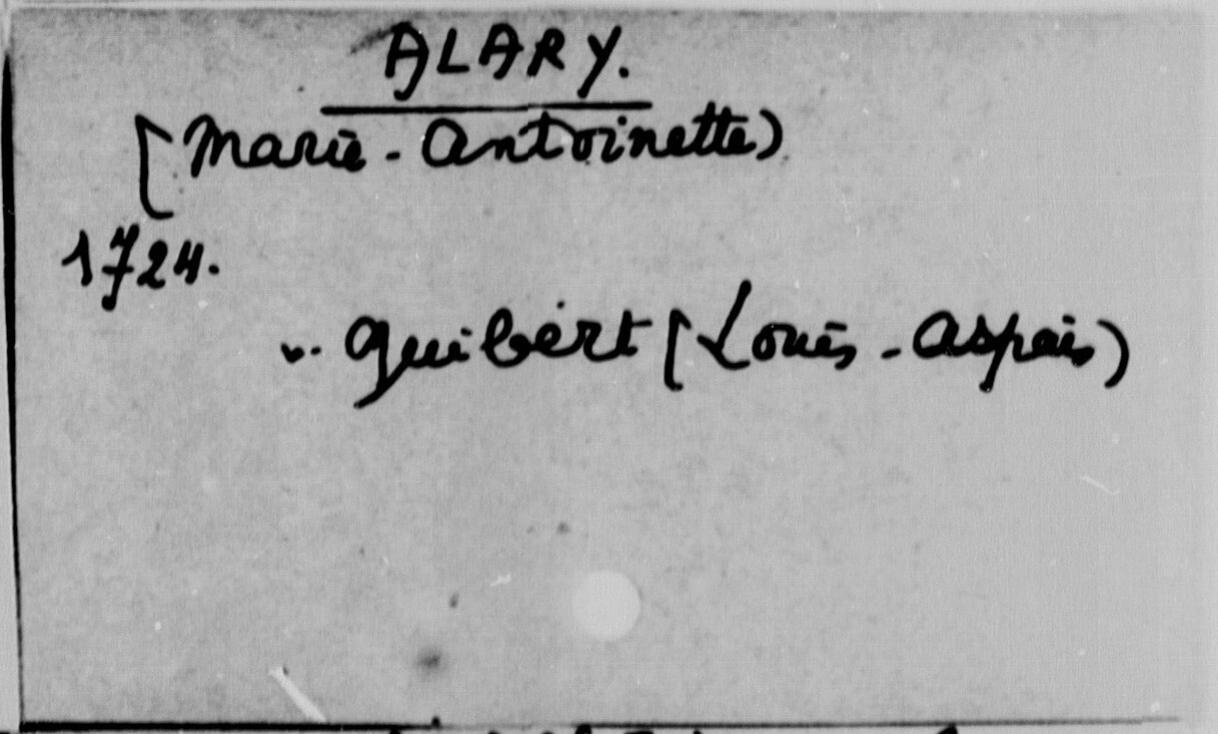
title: ALARY (Marie-Antoinette)
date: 1724
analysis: Voir GUIBERT (Louis-Aspais)
